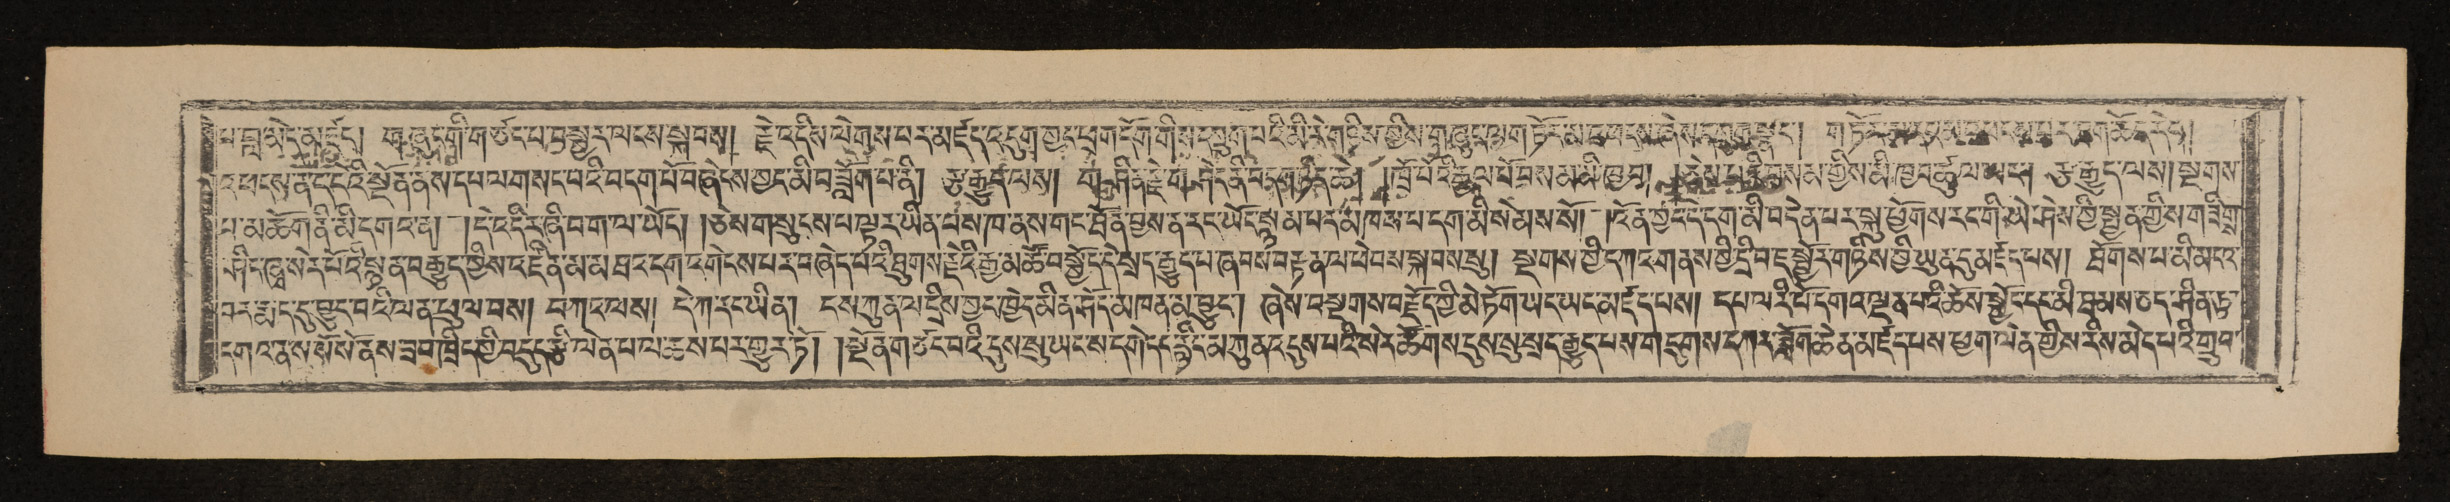པ་བླ་མེད་མཛད། གཞུང་གི་གཙང་པ་བསྐྱར་ལངས་སྐབས། རྗེ་འདིས་ལེགས་པར་མཛད་འདུག་ཀྱང་ཕྲག་དོག་གིས་དཀྲུག་པའི་མི་རེ་གཉིས་ཀྱིས་གཞུང་ལ་གཏོར་མ་འཕངས་ཞེས་དཀྲུག་སྣང་། གཏོར་མ་རང་མ་འཕངས་པར་ཐག་ཆོད་རེད།
འཕངས་ནད་དེའི་སྔོན་ནས་དཔལ་གསང་བའི་བདག་པོ་བཞེངས་ཀྱང་མི་བཟློག་པ་ནི། རྩ་རྒྱུད་ལས། གཤིན་རྗེ་གཤེད་ནི་བདག་ཉིད་ཆེ། །ཁྲོ་བོའི་རྒྱལ་པོ་བསམ་མི་ཁྱབ། །ཅེས་པའི་བསམ་གྱིས་མི་ཁྱབ་ཚུལ་ཡང་། རྩ་རྒྱུད་ལས། སྔགས་
པ་མཆོག་ནི་མི་དགའ་ན། །དེ་འདིར་ཞི་བ་ག་ལ་ཡོད། །ཅེས་གསུངས་པ་ལྟར་ཡིན་པས་ཁ་ནས་གང་ཐོན་བྱས་ན་རང་ཡོང་སྙམ་པར་མཁས་པ་དག་མི་སེམས་སོ། །འོན་ཀྱང་དེ་དག་མི་བདེན་པར་སྐུ་ཕྱོགས་རང་གི་ཡེ་ཤེས་ཀྱི་སྤྱན་གྱིས་གཟིགས་
ཤིང་ཞྭ་སེར་པོའི་སྙན་བརྒྱུད་ཀྱིས་འཛིན་མ་མཐའ་དག་འགེངས་པར་བཞེད་པའི་ཐུགས་རྗེའི་རྒྱ་མཚོ་བསྐྱོད་དེ་སྲད་རྒྱུད་པ་ཞབས་བརྟན་ལ་སོགས་སྐབས་སུ། སྔགས་ཀྱི་དཀའ་གནས་ཀྱི་དྲི་བརྡ་སྦྱོར་གཉིས་ཀྱི་ཡུན་དུ་མཛད་པས། ཐོགས་པ་མི་མངའ་
བར་རྨད་དུ་བྱུང་བའི་ལན་ཕུལ་བས། བཀའ་ལས། དེ་ཀ་རང་ཡིན། ངས་ཀུན་ལ་དྲིས་ཀྱང་ཁྱེད་མིན་ཤོད་མཁན་མ་བྱུང་། ཞེས་བསྔགས་བརྗོད་ཀྱི་མེ་ཏོག་ཡང་ཡང་མཛད་པས། དཔལ་རི་བོ་དགའ་ལྡན་པའི་ཆོས་སྐྱོང་དང་མི་ཐམས་ཅད་ཤིན་ཏུ་
དགའ་ནས་སོ་སོ་ནས་ཟབ་ཁྲིད་ཀྱི་བདུད་ཅི་ལེན་བ་ལ་ཆས་བར་གྱུར་ཏོ། །སྔོན་གཙང་བའི་དུས་སུ་ཡང་ས་དགེ་དང་རྙིང་མ་ཀུན་འདུས་པའི་སེར་ཚོགས་དུས་སུ་སྲད་རྒྱུད་པས་གདུགས་དཀར་ཟློག་ཆེན་མཛད་པས་ཕྱག་ལེན་གྱིས་རིས་མེད་པའི་གྲུབ་